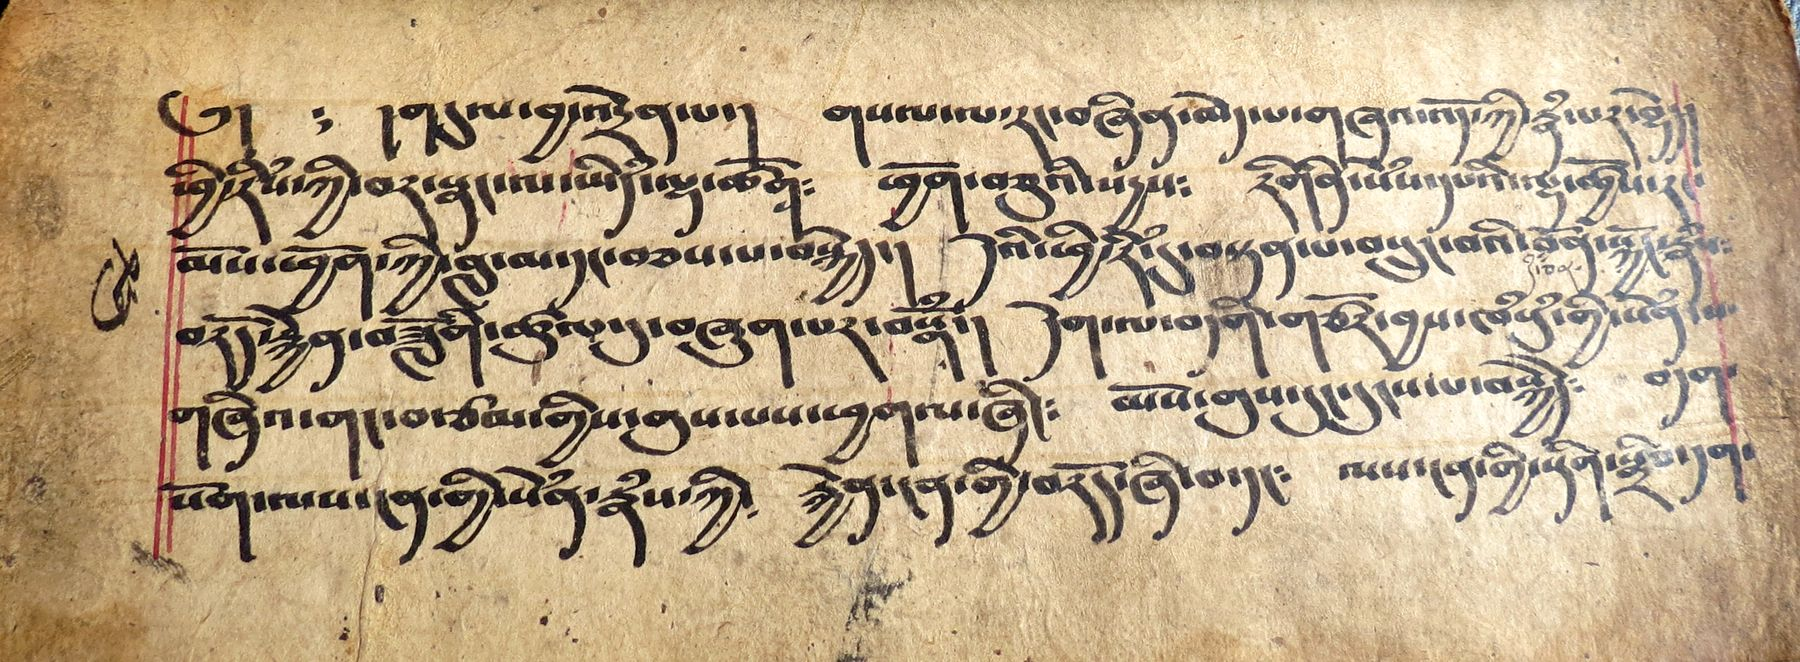གདུལ་བྱ་འདྲེན་པ། གསལ་ལ་རང་བཞིན་མེད་པ། གཞའ་འོད་ཀྱི་རྣམ་པར་བསྐྱེད། 
ཕྱི་རིམ་གྱི་བར་སྣང་ལ། ཡི་དམ་ལྷ་ཚོགས། ཕྱོགས་བཅུའི་སངས་རྒྱས། རིག་འཛིན་སེམས་དཔའི་ཚོགས། རང་
མོས་ཕྱོགས་ཀྱི་བླ་མ་དང་བཅས་པ་བསྐྱེད། དེའི་ཕྱི་རིམ་དུ་བསྟན་པ་བསྲུང་པའི་དམ་ཅན་རྣམས། 
བར་ཆོད་རྐྱེན་ཟློག་པའི་ཚུལ་དུ་བཞུགས་པར་བསྐྱེད། དེ་དག་ལ་ནི་བདག་གིས་གཙོ་བོར་བྱས་ཁམས་གསུམ་གྱི་སེམས་ཅན་ས་
གཞི་གང་བ་ཙམ་གྱིས་གུས་པས་ཕྱག་འཚལ་ཞིང་མོས་གུས་དུང་དུང་བ་བསྐྱེད་དེ། བདག་
སོགས་ལས་ངན་གྱི་སེམས་ཅན་རྣམས་ཀྱི་རྐྱེན་ཕྱི་ནང་གི་བར་ཆོད་ཞི་བ་དང་། ལས་ངན་གྱི་སྡིག་སྒྲིབ་དག་